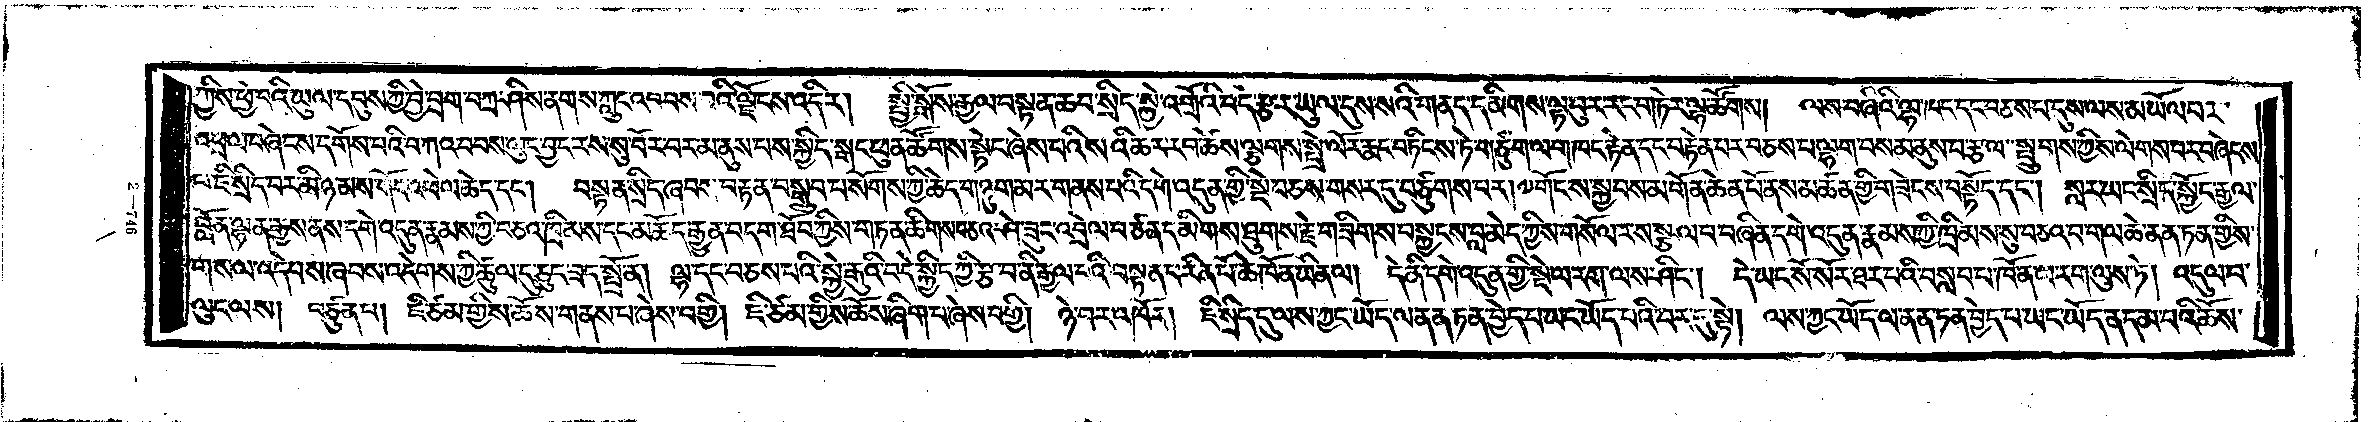ཀྱིས་ཕྱེ་བའི་ཡུལ་དབུས་ཀྱི་བྱེ་བྲག་བཀྲ་ཤིས་ནགས་ཀླུང་འབབས་པའི་ལྗོངས་འདིར། སྤྱི་སྒོས་རྒྱལ་བསྟན་ཆབ་སྲིད་སྐྱེ་འགྲོའི་བདེ་རྩར་ཡུལ་དུས་སའི་གནད་དམིགས་ལྟ་བུར་རང་གཏེར་ལྷ་ཚོགས། ལས་བཞིའི་ལྷ་ཁང་དང་བཅས་པ་དུས་ལས་མ་ཡོལ་བར་
འཕྲལ་བཞེངས་དགོས་པའི་བཀའ་བབས་ལུང་བྱང་རས་སུ་བོར་བར་མ་ནུས་པས་སྐྱིད་སྒང་ཕུན་ཚོགས་སྟེང་ཞེས་པའི་སའི་ཆར་རབ་ཚེས་ལྕགས་སྤྲེ་ལོར་རྨང་བཏིངས་ཏེ་གཙུག་ལག་ཁང་རྟེན་དང་བརྟེན་པར་བཅས་པ་ལྷག་པས་མ་ནུས་པ་རྩལ་སྦྲུགས་ཀྱིས་ལེགས་པར་བཞེངས་
པ་ཇི་སྲིད་པར་མི་ཉམས་གོང་འཕེལ་ཆེད་དང་། བསྟན་སྲིད་ཞབས་བརྟན་བསྒྲུབ་པ་སོགས་ཀྱི་ཆེད་གཉུག་མར་གནས་པའི་དགེ་འདུན་གྱི་སྡེ་བཅས་གསར་དུ་བཙུགས་པར། ༧གོང་ས་སྐྱབས་མགོན་ཆེན་པོ་ནས་མཚན་གྱི་གཟེངས་བསྟོད་དང་། སླར་ཡང་སྲིད་སྐྱོང་རྒྱལ་
བློན་ལྷན་རྒྱས་ནས་དགེ་འདུན་རྣམས་ཀྱི་བཅའ་ཁྲིམས་དང་མཆོད་རྒྱུན་བདག་ཐོབ་ཀྱིས་གཏན་ཚིགས་བཅའ་ཤེ་ཟུང་འབྲེལ་བཙན་དམིགས་ཐུགས་རྗེ་གཟིགས་བསྐྱངས་བླ་མེད་ཀྱིས་གསོལ་རས་སྩལ་བ་བཞིན་དགེ་འདུན་རྣམས་ཀྱིས་ཁྲིམས་སུ་བཅའ་བ་གལ་ཆེ་ནན་ཏན་གྱིས་
གསལ་འདེབས་ཞབས་འདེགས་ཀྱི་ཚུལ་དུ་ཅུང་ཟད་སྤྲོ་ན། ལྷ་དང་བཅས་པའི་སྐྱེ་རྒུའི་བདེ་སྐྱིད་ཀྱི་རྩ་བ་ནི་རྒྱལ་པའི་བསྟན་པ་རིན་པོ་ཆེ་ཁོ་ན་ཡིན་ལ། དེ་ནི་དགེ་འདུན་གྱི་སྡེ་ལ་རག་ལས་ཤིང་། དེ་ཡང་སོ་སོར་ཐར་པའི་བསླབ་པ་ཁོ་ན་ལ་རག་ལུས་ཏེ། འདུལ་བ་
ལུང་ལས། བཙུན་པ། ཇི་ཙམ་གྱིས་ཆོས་གནས་པ་ཞེས་བགྱི། ཇི་ཙམ་གྱིས་ཆོས་ཞིག་པ་ཞེས་བགྱི། ཉེ་བར་འཁོར། ཇི་སྲིད་དུ་ལས་ཀྱང་ཡོད་ལ་ནན་ཏན་བྱེད་པ་ཡང་ཡོད་པའི་བར་དུ་སྟེ། ལས་ཀྱང་ཡོད་ལ་ནན་ཏན་བྱེད་པ་ཡང་ཡོད་ན་དམ་པའི་ཆོས་